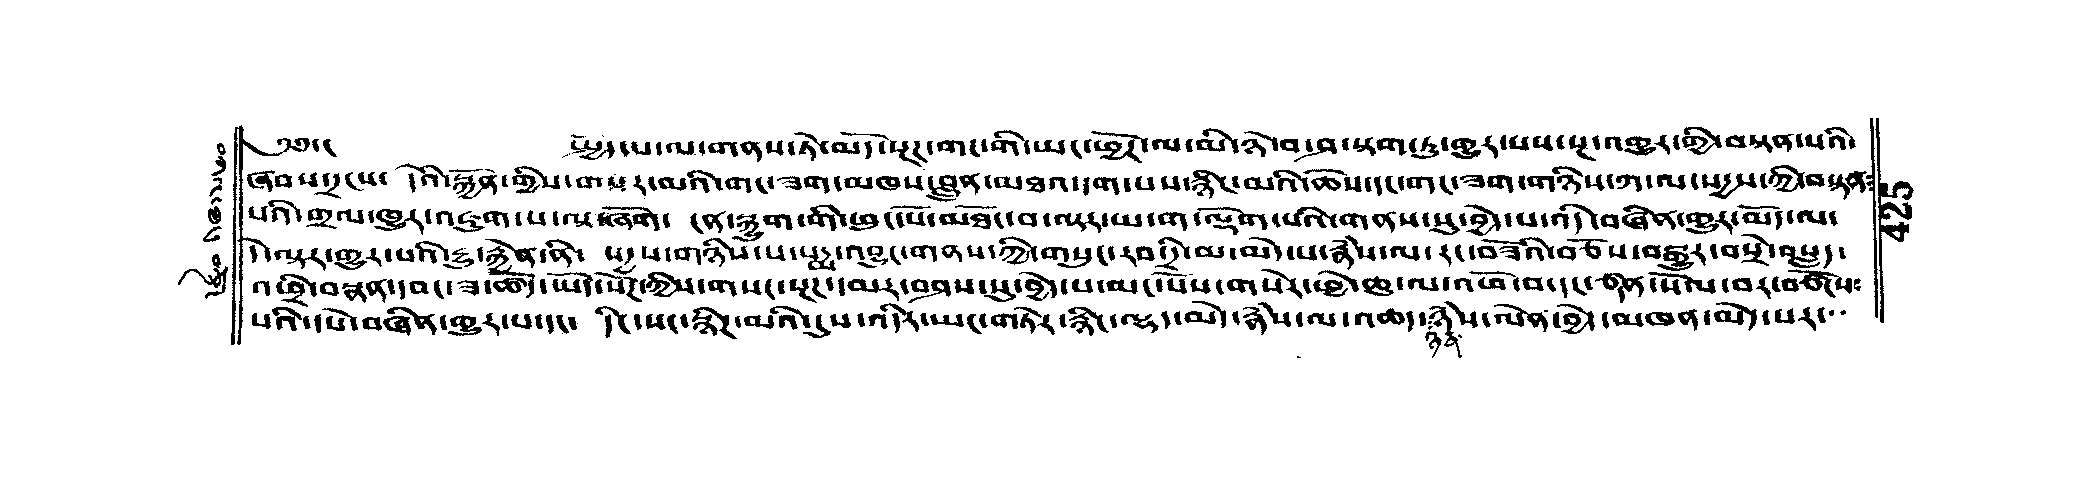སྤྱོད་པ་ལ་གནས་ཏེ་མདོ་སྔགས་གང་གི་ཡང་ཕྱོགས་ལ་མི་ཉེ་བ་ཤ་སྟག་ཏུ་གྱུར་པས་སྔ་འགྱུར་གྱི་བསྟན་པའི་
ཞབས་དྲངས། དེའི་སྐྱོན་གྱིས་གསར་མའི་གང་ཟག་མཁས་བླུན་མཐའ་དག་པས་རྙིང་མའི་ཆོས་དང་གང་ཟག་གཉིས་ཀ་ལ་སངས་རྒྱས་ཀྱི་བསྟན་
པའི་གྲལ་ཁྱུར་འཇུག་པ་ལྟ་ཞོག ངན་སྐྱུག་གི་ཕུང་པོ་མཐོང་བ་ལྟར་ཡ་ག་འདོགས་པའི་གནས་སུ་བྱེད་པ་འདི་བཞིན་གྱུར་མོད་ལ།
དེ་ལྟར་གྱུར་པའི་རྒྱུ་རྐྱེན་ནི། སངས་རྒྱས་གཉིས་པ་པདྨ་འབྱུང་གནས་ཀྱི་གསུང་རབ་དྲི་མ་མེད་པ་རྣམས་ལ་རང་བཟོའི་བཅོས་བསྒྱུར་བསྲེ་བསླད་
འཕྲི་བསྣན་དབང་ཟ་ཚོད་ཡོད་སོགས་ཀྱིས་གསང་སྔགས་དམར་བཤས་སུ་བྱེད་པ་མང་པོས་གསེར་ཕྱེ་ཆུ་ལ་འཕོ་བ་དང་ཙན་དན་སོལ་བར་བཙོངས་
པའི་དཔེ་བཞིན་གྱུར་པ་དང་། དིང་སང་སྙིགས་མའི་དུས་འདིར་ཡང་གཏེར་རྙིང་ལྷད་མེད་རྣམས་ལ་འཆད་ཉན་ཉམས་ལེན་བྱེད་མཁན་མེད་པར་